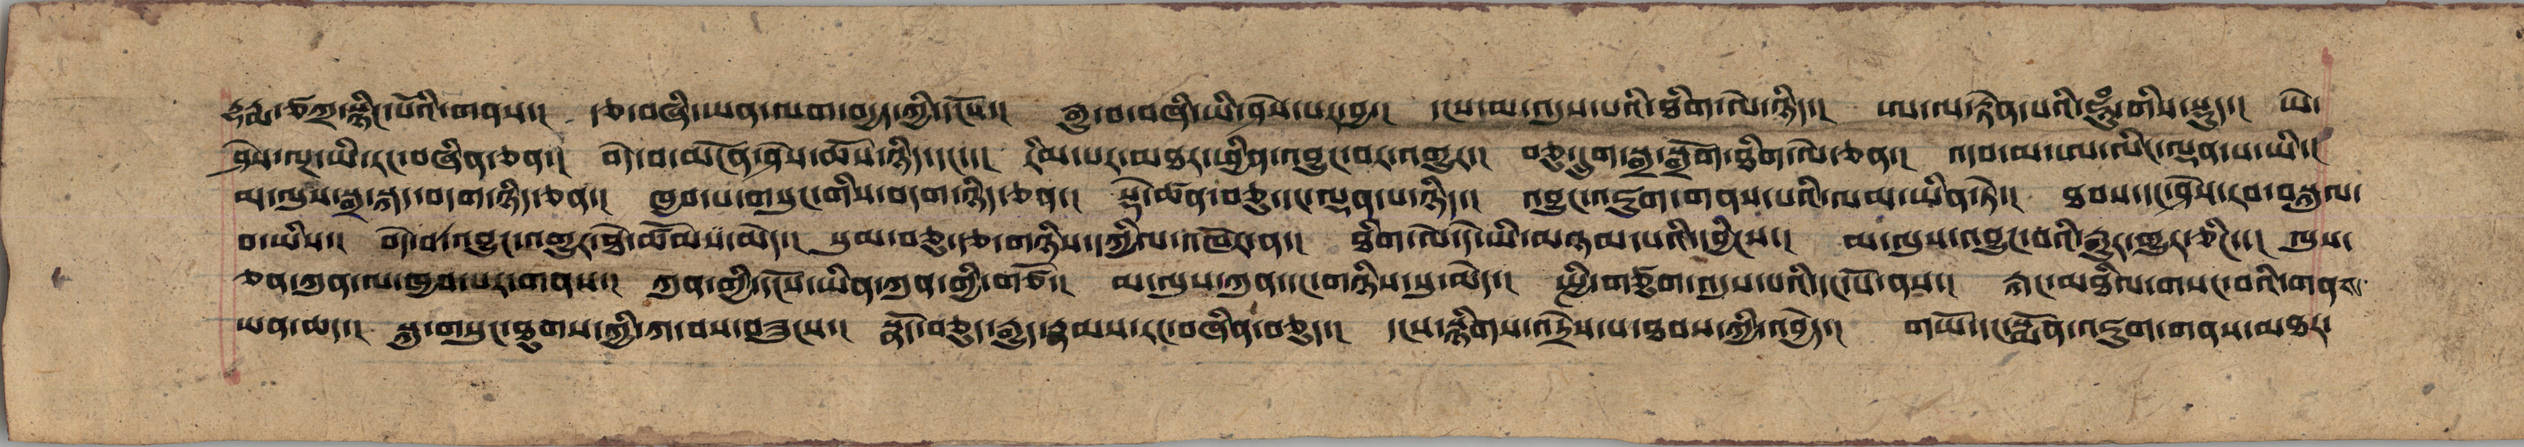དྷརྨ་ཙཀྲ་སྙིང་པོའི་གནས་། རྩ་བཞི་ཡན་ལག་བདྱད་ཀྱི་དངོས་། རྒྱུ་བ་བཞི་ཡི་ཤེས་པར་བྱ་། དངས་མ་འདུས་པའི་ཐིག་ལེ་ཉིད་། ཨ་ལ་རྟེན་པའི་ཧཱུཾ་གིས་སྡུད་། ཡེ་
ཤེས་ལྔ་ཡི་རང་བཞིན་ཅན་། བདེ་བ་མངོན་ཤེས་ཆོས་ཉིད་དང་་། རིམ་པར་མཐར་ཕྱིན་འབྱུང་བར་འགྱུར་། བཅུ་དྲུག་སྒྲ་སྒྲོག་ཐིག་ལེ་ཅན་། འདབ་མ་ཨ་ལིང་ལྡན་པ་ཡི་།
མ་ལུས་སྒྲ་སྐད་བདག་ཉིད་ཅན་། ཁྱབ་པ་གསུང་གིས་བདག་ཉིད་ཅན་། སྡེ་ཚན་བཅུ་དང་ལྡན་པ་ཉིད་། འབྱུང་འཇུག་གནས་པའི་ལམ་ཡིན་ཏེ་། ཐབས་དང་ཤེས་རབ་བསྐུལ་
བ་ཡིས་། བདེ་བ་འབྱུང་འགྱུར་ཐེ་ཚོམས་མེད་། སུམ་བཅུ་རྩ་གཉིས་དཀྱིལ་འཁོར་ན་། ཐིག་ལེ་དེ་ཡི་མཉམ་པའི་དབྱིངས་། མ་ལུས་འབྱུང་བའི་རྒྱུར་གྱུར་ཅིང་་། ལུས་
ཅན་ཀུན་ལ་ཁྱབ་པར་གནས་། ཀུན་གྱི་དངོས་ཡིན་ཀུན་གྱི་གཙོ་། མ་ལུས་ཀུན་དང་གཉིས་སུ་མེད་། སྤྱི་གཙུག་འདུས་པའི་དང་པོ་ནས་། རྐང་མཐིལ་གསང་བའི་གནས་
ཡན་ཆད་། སྐུ་གསུང་ཐུགས་ཀྱི་ཀ་བས་བཟུངས་། སྣོད་བཅུད་རྒྱུད་རྣམས་རང་བཞིན་བཅུད་། དངས་སྙིགས་འདྲེས་པ་ཐབས་ཀྱི་འབྱེད་། གཡོ་དང་སྨོན་འཇུག་གནས་མཐར་